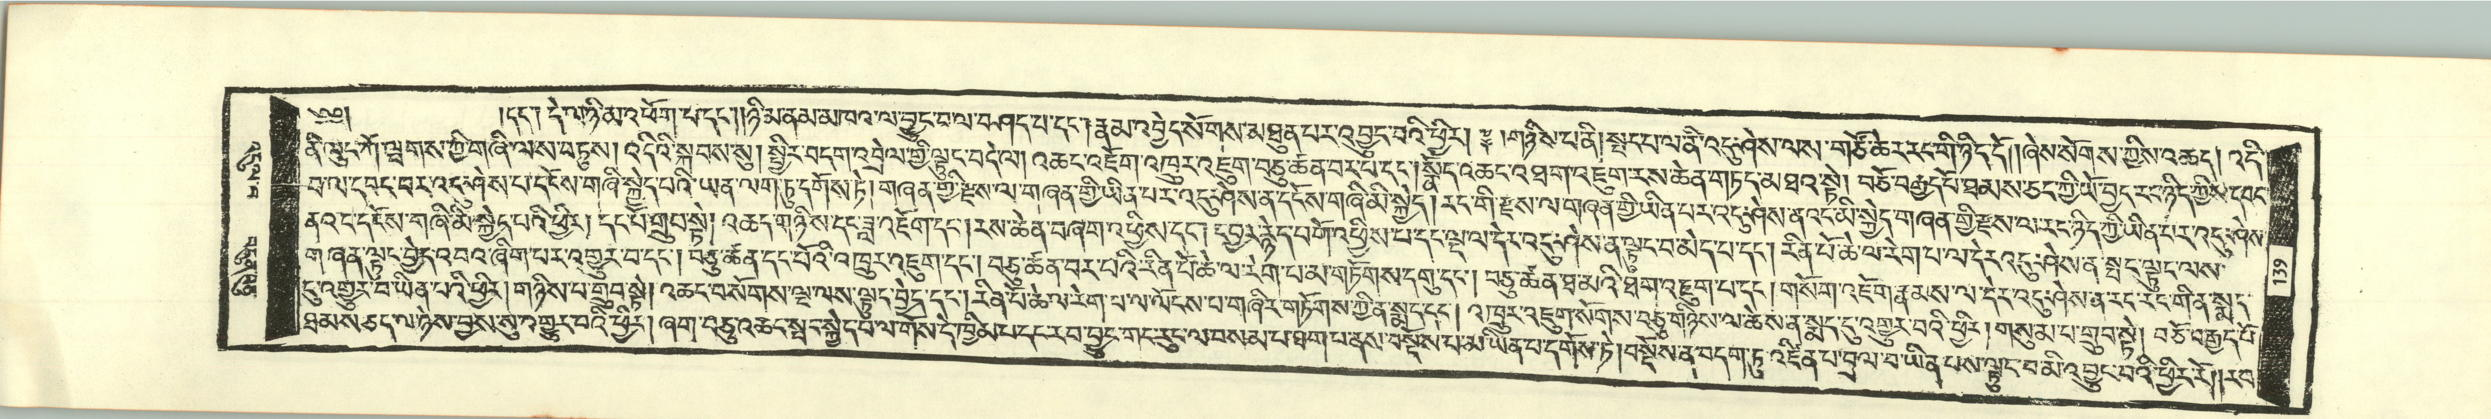༄༅། །དད། དེ་ལ་ཉི་མ་འཕོག་པ་དང་། །ཉི་མ་ནམ་མཁའ་ལ་བྱུང་བ་ལ་བཤད་པ་དང་། རྣམ་འབྱེད་སོགས་མཐུན་པར་འབྱུང་བའི་ཕྱིར། ༈ །གཉིས་པ་ནི། སྤང་པ་ལ་ནི་འདུ་ཤེས་ལས་གཙོ་ཆེར་རང་གི་ཉིད་དོ། །ཞེས་སོགས་ཀྱིས་འཆད། འདི་
ནི་ལུང་ཀོ་ལྦགས་ཀྱི་གཞི་ལས་བཏུས། འདིའི་སྐབས་སུ། སྤྱིར་བདག་འབྲེལ་གྱི་ལྟུང་བ་དེ་ལ། འཆང་འཇོག་འཁྲུར་འཇུག་བཅུ་ཚན་བར་བ་དང་། སྣོད་འཆང་འཐག་འཇུག་རས་ཆེན་གཏད་མཐའ་སྟེ། བཅོམ་བརྒྱད་པོ་ཐམས་ཅད་ཀྱི་ཡོ་བྱད་རང་ཉིད་ཀྱིས་དབང་
བ་ལ་དབང་བར་འདུ་ཤེས་པ་དངོས་གཞི་སྐྱེད་པའི་ཡན་ལག་ཏུ་དགོས་ཏེ། གཞན་གྱི་རྫས་ལ་གཞན་གྱི་ཡིན་པར་འདུ་ཤེས་ན་དངོས་གཞི་མི་སྐྱེད། རང་གི་རྫས་ལ་གཞན་གྱི་ཡིན་པར་འདུ་ཤེས་ནའང་མི་སྐྱེད་གཞན་གྱི་རྫས་ལ་རང་ཉིད་ཀྱི་ཡིན་པར་འདུ་ཤེས་
ནའང་དངོས་གཞི་མི་སྐྱེད་པའི་ཕྱིར། དང་པོ་གྲུབ་སྟེ། འཆད་གཉིས་དང་ཟླ་འཇོག་དང་། རས་ཆེན་བཞག་འཕྱིས་དང་། དབྱར་རྙེད་བགོ་འཕྱིས་པ་དང་ལྔ་ལ་དེར་འདུ་ཤེས་ན་ལྟུང་བ་མེད་པ་དང་། རིན་པོ་ཆེ་ལ་རེག་པ་ལ་དེར་འདུ་ཤེས་ན་སྤང་ལྟུང་ལས་
གཞན་ལྟུང་བྱེད་འབའ་ཞིག་པར་འགྱུར་བ་དང་། བཅུ་ཚན་དང་པོའི་འཁྲུར་འཇུག་དང་། བཅུ་ཚན་བར་པའི་རིན་པོ་ཆེ་ལ་རེག་པ་མ་གཏོགས་དགུ་དང་། བཅུ་ཚན་ཐ་མའི་ཐག་འཇུག་པ་དང་། གསོག་འཇོག་རྣམས་ལ་དེར་འདུ་ཤེས་ན་རང་རང་གི་ན་སྨད་
དུ་འགྱུར་བ་ཡིན་པའི་ཕྱིར། གཉིས་པ་གྲུབ་སྟེ། འཆང་བ་སོགས་ལྔ་ལས་ལྟུང་བྱེད་དང་། རིན་པོ་ཆེ་ལ་རེག་པ་ལ་ལོངས་པ་གཞིར་གཏོགས་ཀྱི་ན་སྨད་དང་། འཁྲུར་འཇུག་སོགས་བཅུ་གཉིས་ལ་ཆེས་ན་སྨད་དུ་འགྱུར་པའི་ཕྱིར། །གསུམ་པ་གྲུབ་སྟེ། བཅོམ་བརྒྱད་པོ་
ཐམས་ཅད་ལ་ཉེས་བྱས་སུ་འགྱུར་པའི་ཕྱིར། ཞག་བཅུ་འཆང་སྤང་སྐྱེད་པ་ལ་གོས་དེ་ཁྱིམ་པ་དང་རབ་བྱུང་གང་རུང་ལ་བསམ་པ་ཐག་པ་ནས་བསྡོས་པ་མ་ཡིན་པ་དགོས་ཏེ། བསྡོས་ན་བདག་ཏུ་འཛིན་པ་བྲལ་བ་ཡིན་པས་ལྟུང་བ་མི་འབྱུང་བའི་ཕྱིར་རོ། །རབ་